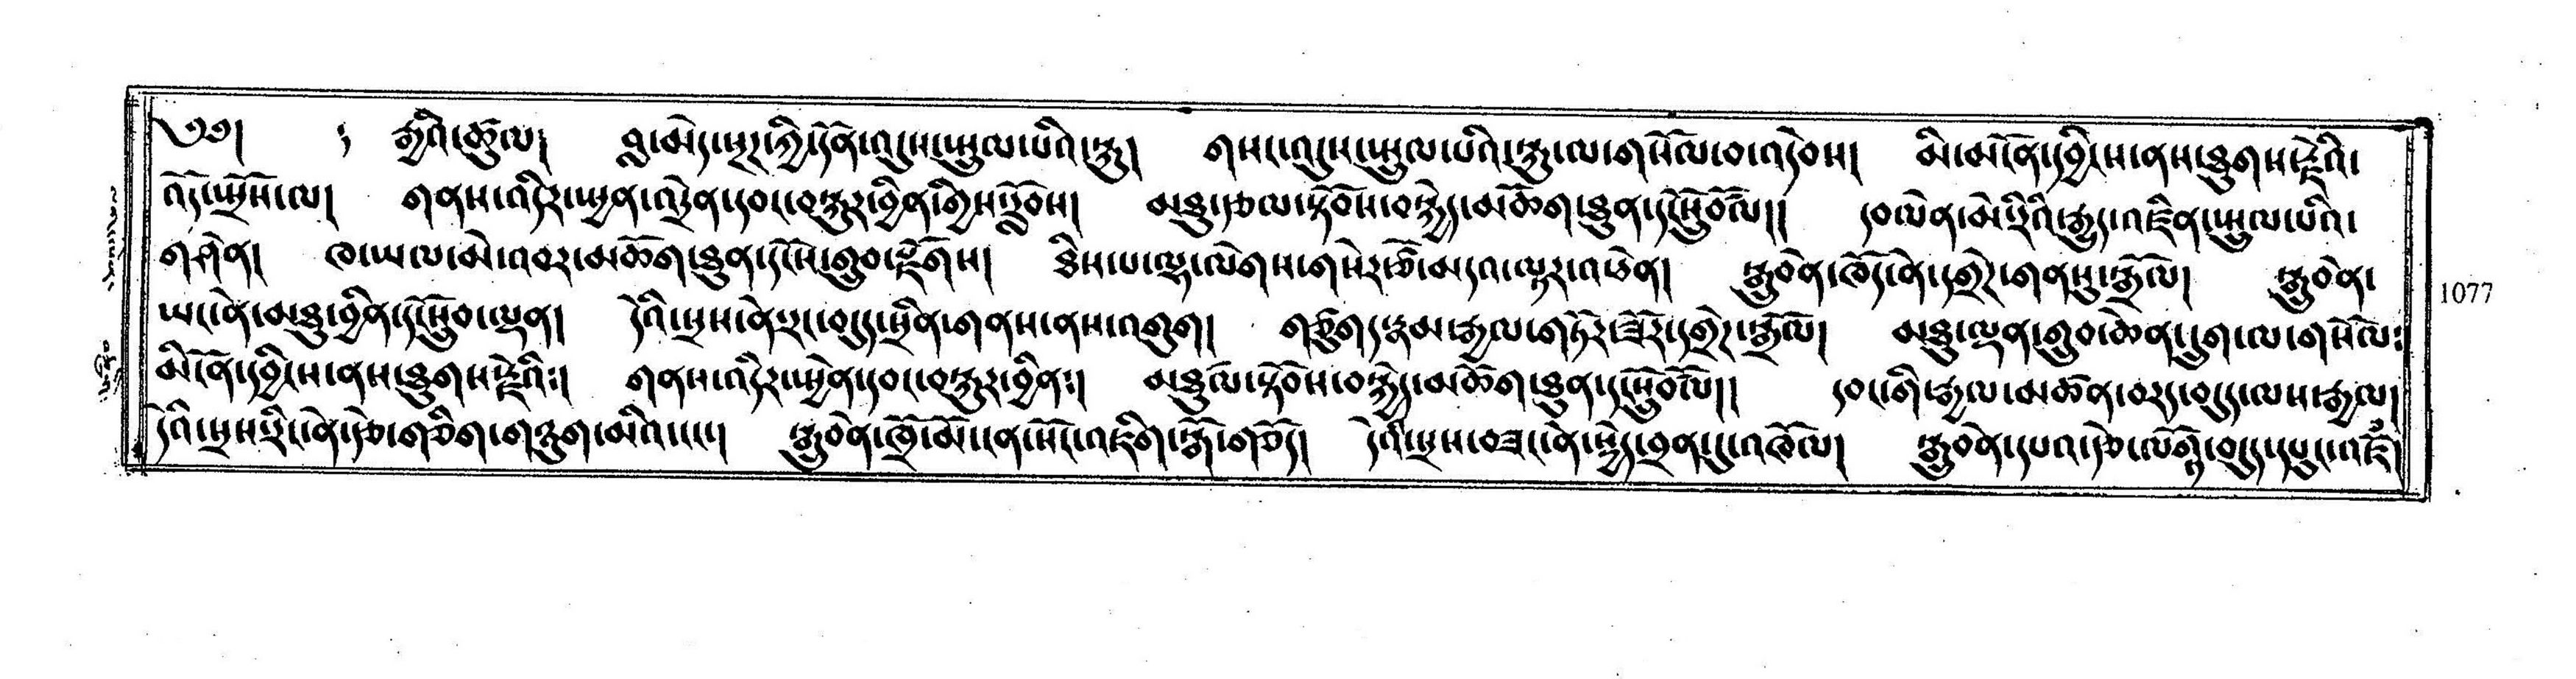རྒྱའི་ཚུལ། བླ་མེད་སྔགས་ཀྱི་དོན་འདུས་སྤྲུལ་པའི་སྐུ། གསང་འདུས་སྤྲུལ་པའི་སྐུ་ལ་གསོལ་བ་འདེབས། མི་མངོན་དབྱིངས་ནས་ཐུགས་རྗེའི་
འོད་སྤྲོས་ལ། གནས་འདིར་སྤྱན་འདྲེན་དབང་བསྐུར་བྱིན་གྱིས་རློབས། མཐུ་རྩལ་སྟོབས་བསྐྱེད་མཆོག་ཐུན་དངོས་གྲུབ་སྩོལ།། དབལ་ཆེན་མེ་རིའི་རྒྱུད་འཛིན་སྤྲུལ་པའི་
གཤེན། ཁ་ཡལ་མེ་འབར་མཆོག་ཐུན་དངོས་གྲུབ་རྫོགས། ཐིས་པ་ལྷ་ལེགས་གསེར་ཙོ་མདའ་ལྟར་འཕེན། སྒྲུབ་གཤེན་ཁོད་ནེ་དགྲ་བགེགས་གནས་སུ་སྒྲོལ། སྒྲུབ་གཤེན་
ཡང་ནེ་མཐུ་བྱིན་དངོས་གྲུབ་ལྡན། དེའི་སྲས་ནེ་རང་བདུད་སྲིན་གནས་ནས་འགུག གཙུག་ཕུད་རྣམ་རྒྱལ་གཏོར་ཟོར་དགྲ་བགེགས་སྒྲོལ། མཐུ་ལྡན་གྲུབ་ཆེན་དྲུག་ལ་གསོལ༴། 
མི་མངོན་དབྱིངས་ནས་ཐུགས་རྗེའི༴། གནས་འདིར་སྤྱན་འདྲེན་དབང་བསྐུར་བྱིན༴། མཐུ་རྩལ་སྟོབས་བསྐྱེད་མཆོག་ཐུན་དངོས་གྲུབ་སྩོལ།། དབང་གི་རྒྱལ་མཚན་བར་ཆད་བདུད་ལས་རྒྱལ། 
དེའི་སྲས་རིང་ནེ་རྩེ་གཅིག་གཉུག་མའི་ངང་། སྒྲུབ་གཤེན་ཁྲོ་མོ་ངན་སོང་འཇིག་སྒོ་གཅོད། དེའི་སྲས་བཟང་ནེ་སྡེ་བརྒྱད་བྲན་དུ་འཁོལ། སྒྲུབ་གཤེན་དཔའ་རྩེ་ལོགྟ་བདུད་དཔུང་འཇོམ།